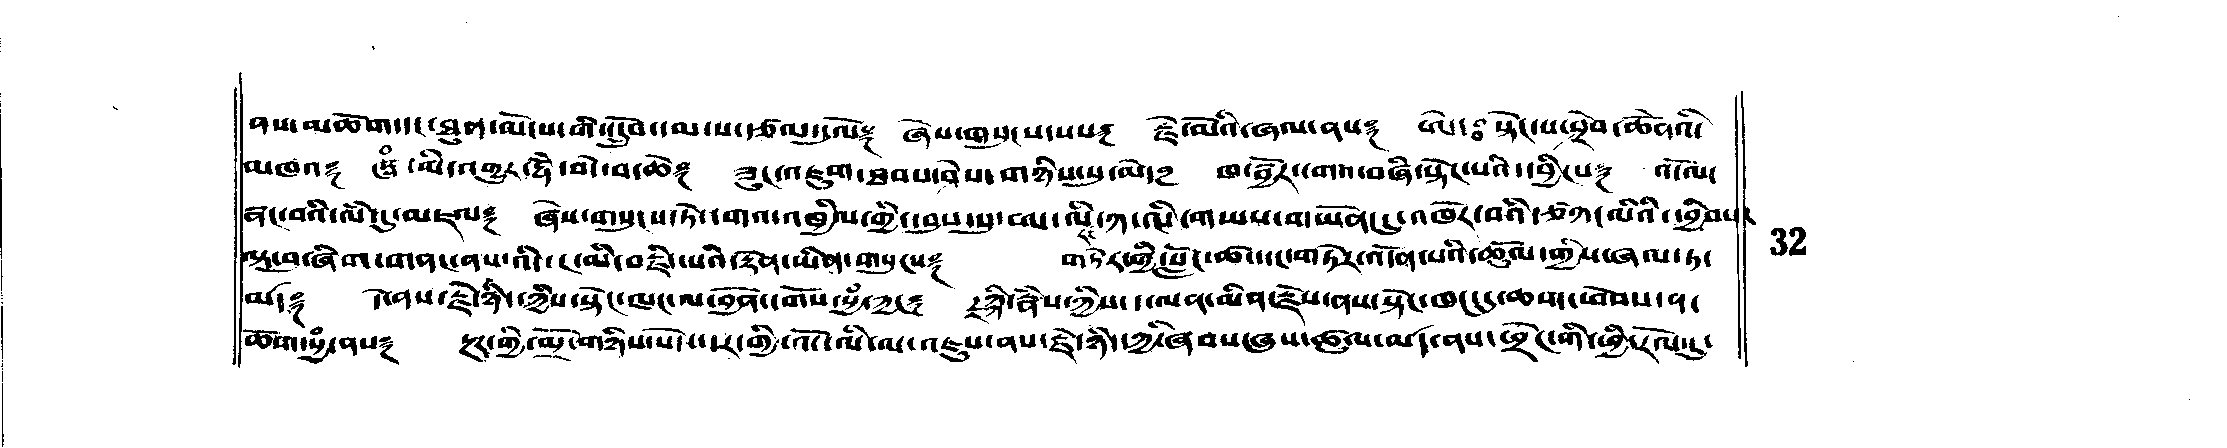ནས་མཆོག་དང་ཐུན་མོང་གི་དངོས་གྲུབ་དམ་པ་བསྩལ་དུ་གསོལ། །ཞེས་གསུངས་པས། རྗེ་མོའི་ཞལ་ནས། ཨེ་སྟོང་པ་ཤེས་རབ་ཆེན་པོའི་
མཁའ། །ཝཾ་མི་འགྱུར་རྡོ་རྗེ་བདེ་བ་ཆེ། །ཟུང་འཇུག་ཐབས་ཤེས་གཉིས་སུ་མེད། །ཁ་སྦྱོར་དགའ་བཞི་སྟོང་པའི་དབྱིངས། །འོད་གསལ་
སྣང་བའི་ལམ་དུ་མཇལ། །ཞེས་གསུངས་ཏེ་དགའ་འཁྱིལ་གྱི་དབུས་སུ་ཨ་ལིར་ཀ་ལི་གཡས་གཡོན་དུ་འཁོར་བའི་ཙཀ་ལིའི་དབྱིབས་
ལྟ་བུ་ཞིག་གནང་ནས་འདི་ང་མི་བརྗེད་པའི་རྟེན་ཡིན་གསུངས། གཏེར་གི་སློང་ཚད་དང་གཏེར་འདོན་པའི་ཚུལ་གྱིས་ཞལ་ཏ་
མཛད། དེ་ནས་རྗེ་ཉིད་ཀྱིས་སྟེང་ཁང་ལ་བྱོན་དགོས་གསུངས་ཀྱང་། ཌཱཀྐི་རྣམས་ཀྱིས་ད་ལན་མིན་རྗེས་ནས་སྟེང་ཁང་དུ་ཕྱག་ཕེབས་ན་
ཆོག་གསུང་ནས། སྔར་གྱི་མཁའ་འགྲོ་གཉིས་པོས་དར་གྱི་འདོ་ལི་ལ་འཇུས་ནས་རྗེ་ཉིད་ཀྱི་ཞབས་ཞུས་ཚུལ་མཛད་ནས་ཕོ་བྲང་གི་ཕྱི་རོལ་དུ་